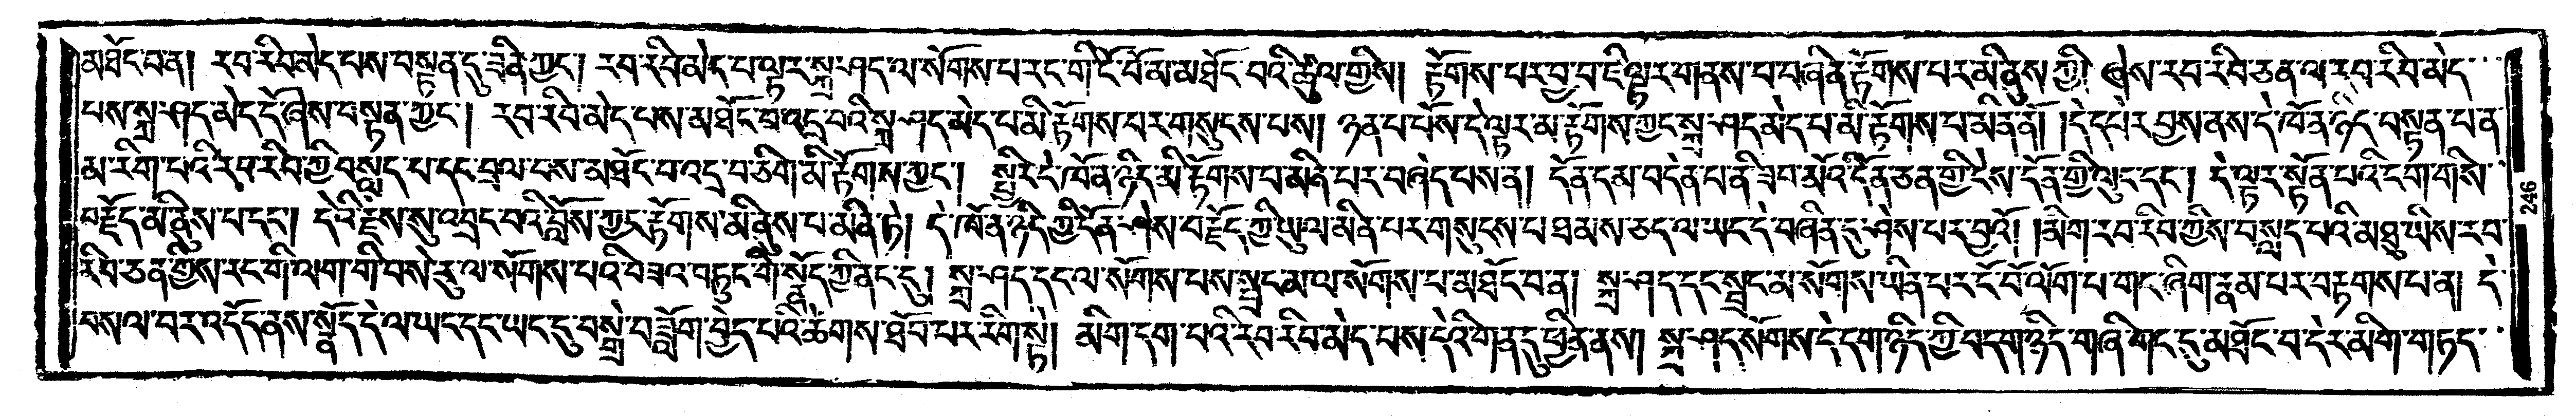མཐོང་བ་ན། རབ་རིབ་མེད་པས་བསྟན་དུ་ཟིན་ཀྱང་། རབ་རིབ་མེད་པ་ལྟར་སྐྲ་ཤད་ལ་སོགས་པ་རང་གི་ངོ་བོ་མ་མཐོང་བའི་ཚུལ་གྱིས། རྟོགས་པར་བྱ་བ་ཇི་ལྟར་གནས་པ་བཞིན་རྟོགས་པར་མི་ནུས་ཀྱི། ཞེས་རབ་རིབ་ཅན་ལ་རབ་རིབ་མེད་
པས་སྐྲ་ཤད་མེད་དོ་ཞེས་བསྟན་ཀྱང་། རབ་རིབ་མེད་པས་མཐོང་བ་འདྲ་བའི་སྐྲ་ཤད་མེད་པ་མི་རྟོགས་པར་གསུངས་པས། ཉན་པ་པོས་དེ་ལྟར་མ་རྟོགས་ཀྱང་སྐྲ་ཤད་མེད་པ་མི་རྟོགས་པ་མིན་ནོ། །དེ་དཔེར་བྱས་ནས་དེ་ཁོ་ན་ཉིད་བསྟན་པ་
མ་རིག་པའི་རབ་རིབ་ཀྱི་བསླད་པ་དང་བྲལ་བས་མཐོང་བ་འདྲ་བ་ཅིག་མི་རྟོགས་ཀྱང་། སྤྱིར་དེ་ཁོ་ན་ཉིད་མི་རྟོགས་པ་མིན་པར་བཞེད་པས་ན། དོན་དམ་བདེན་པ་ནི་ཟབ་མོའི་དོན་ཅན་གྱི་ངེས་དོན་གྱི་ལུང་དང་། དེ་ལྟར་སྟོན་པའི་ངག་གིས་
བརྗོད་མི་ནུས་པ་དང་། དེའི་རྗེས་སུ་འབྲང་བའི་བློས་ཀྱང་རྟོགས་མི་ནུས་པ་མིན་ཏེ། དེ་ཁོ་ན་ཉིད་ཀྱི་དོན་ཤེས་བརྗོད་ཀྱི་ཡུལ་མིན་པར་གསུངས་པ་ཐམས་ཅད་ལ་ཡང་དེ་བཞིན་དུ་ཤེས་པར་བྱའོ། །མིག་རབ་རིབ་ཀྱིས་བསླད་པའི་མཐུ་ཡིས་རབ་
རིབ་ཅན་གྱིས་རང་གི་ལག་གི་བསེ་རུ་ལ་སོགས་པའི་བཟའ་བཏུང་གི་སྣོད་ཀྱི་ནང་དུ། སྐྲ་ཤད་དང་ལ་སོགས་པས་སྦྲང་མ་ལ་སོགས་པ་མཐོང་བ་ན། སྐྲ་ཤད་དང་སྦྲང་མ་སོགས་ཡིན་པར་ངོ་བོ་ལོག་པ་གང་ཞིག་རྣམ་པར་བརྟགས་པ་ན། དེ་
བསལ་བར་འདོད་ནས་སྣོད་དེ་ལ་ཡང་དང་ཡང་དུ་བསྒྲེ་བཟློག་བྱེད་པའི་ཚེགས་ཐོབ་པར་རིག་སྟེ། མིག་དག་པའི་རབ་རིབ་མེད་པས་དེའི་གན་དུ་ཕྱིན་ནས། སྐྲ་ཤད་སོགས་དེ་དག་ཉིད་ཀྱི་བདག་ཉིད་གཞི་གང་དུ་མཐོང་བ་དེར་མིག་གཏད་